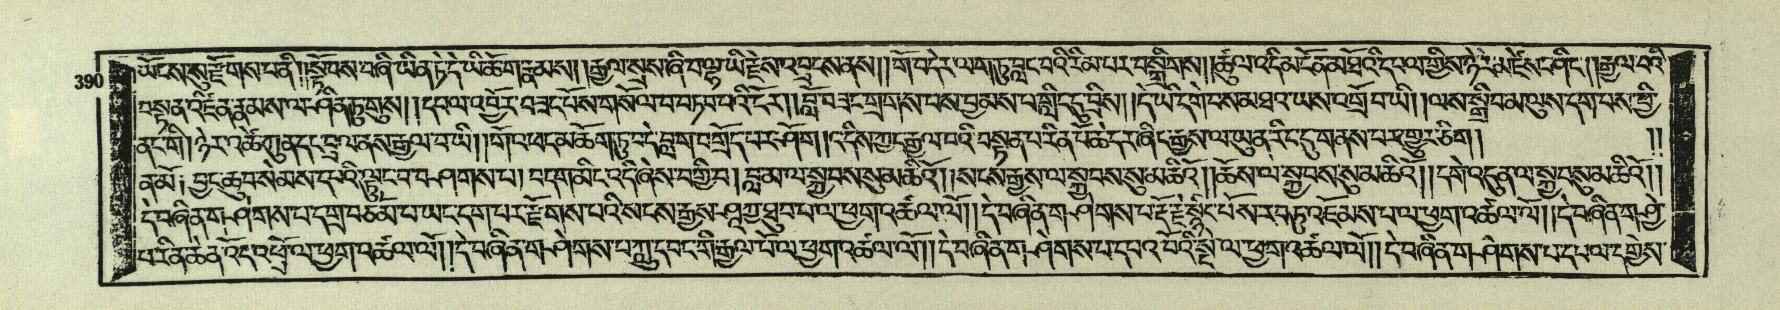ཡོངས་སུ་རྫོགས་པ་ནི། །སྟོབས་བཞི་ཡིན་ཏེ་དེ་ཡི་ཆོ་ག་རྣམས། །རྒྱལ་སྲས་ཞི་བ་ལྷ་ཡི་རྗེས་འབྲངས་ནས། །གོ་བདེར་ལག་ཏུ་བླང་བའི་རིམ་པར་བསྒྲིགས། །ཚུལ་འདི་མངོན་མཐོའི་དཔལ་གྱིས་ཉེར་མཛེས་ཤིང་། །རྒྱལ་བའི་
བསྟན་འཛིན་རྣམས་ལ་ཤིན་ཏུ་གུས། །དཔལ་འབྱོར་བཟང་པོས་གསོལ་བ་བཏབ་པའི་ངོར། །བློ་བཟང་གྲགས་པས་བྱམས་པ་གླིང་དུ་བྲིས། །དེ་ཡི་དགེ་བས་མཐའ་ཡས་འགྲོ་བ་ཡི། །ལས་སྒྲིབ་མ་ལུས་དག་པས་ཕྱི་
ནང་གི། ཉེར་འཚེ་ཀུན་དང་བྲལ་ནས་རྒྱལ་བ་ཡི། །གོ་འཕང་མཆོག་ཏུ་བདེ་བླག་བགྲོད་པར་ཤོག །འདིས་ཀྱང་རྒྱལ་བའི་བསྟན་པ་རིན་པོ་ཆེ་དར་ཞིང་རྒྱས་ལ་ཡུན་རིང་དུ་གནས་པར་གྱུར་ཅིག། །།
ན་མོ༑ བྱང་ཆུབ་སེམས་དཔའི་ལྟུང་བ་བཤགས་པ། བདག་མིང་འདི་ཞེས་བགྱི་བ། བླ་མ་ལ་སྐྱབས་སུ་མཆིའོ། །སངས་རྒྱས་ལ་སྐྱབས་སུ་མཆིའོ། །ཆོས་ལ་སྐྱབས་སུ་མཆིའོ། །དགེ་འདུན་ལ་སྐྱབས་སུ་མཆིའོ།།
དེ་བཞིན་གཤེགས་པ་དགྲ་བཅོམ་པ་ཡང་དག་པར་རྫོགས་པའི་སངས་རྒྱས་ཤཱཀྱ་ཐུབ་པ་ལ་ཕྱག་འཚལ་ལོ། །དེ་བཞིན་གཤེགས་པ་རྡོ་རྗེ་སྙིང་པོས་རབ་ཏུ་འཇོམས་པ་ལ་ཕྱག་འཚལ་ལོ། །དེ་བཞིན་གཤྱེ་
པ་རིན་ཆེན་འོད་འཕྲོ་ལ་ཕྱག་འཚལ་ལོ། །དེ་བཞིན་གཤེགས་པ་ཀླུ་དབང་གི་རྒྱལ་པོ་ལ་ཕྱག་འཚལ་ལོ། །དེ་བཞིན་གཤེགས་པ་དཔའ་བོའི་སྡེ་ལ་ཕྱག་འཚལ་ལོ། །དེ་བཞིན་གཤེགས་པ་དཔལ་དགྱེས་